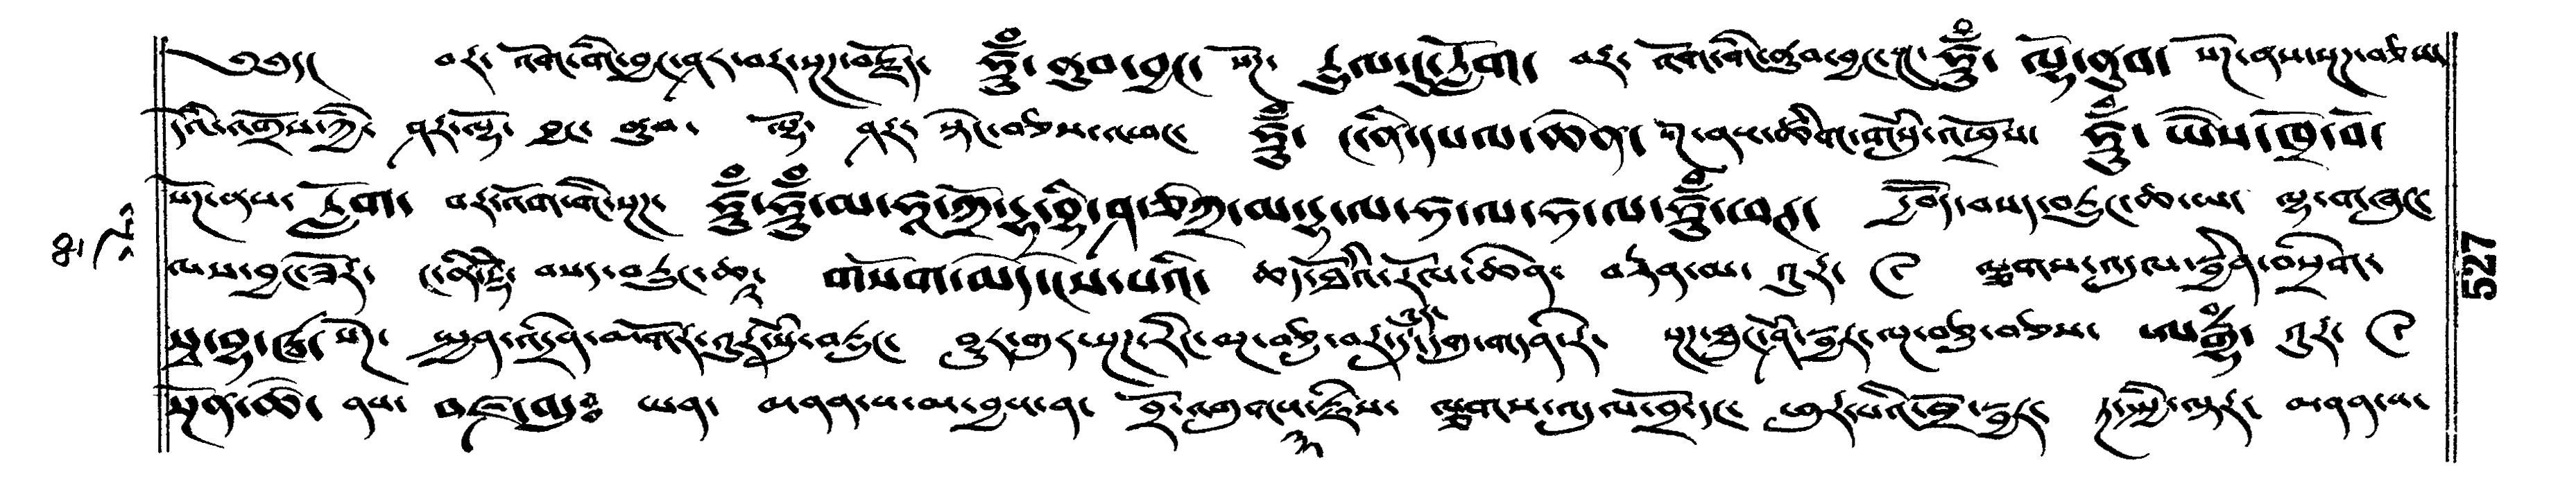བར། འོག་གི་བྱང་ཤར་བར་སྔགས་བརྗོད། ཧཱུྃ། ནུབ་བྱང༴ སོགས། རྡུལ་དུ་རློགབར། འོག་གི་ནུབ་བྱང་སྔགས། ཧཱུྃ། ལྷོ་ནུབ༴ སོགས་ནས་སྔགས་བཅས་
དེའི་འགྲོས་ཀྱི། ཤར་ལྷོ། བྱང་། ནུབ། ལྷོ། ཤར། སྟེང་བཅས་འཕང་། ཧཱུྃ། ང་ནི་དཔལ་ཆེན༴ སོགས་ནས་ཚིག་གསུམ་འཕྲོས། ཧཱུྃ། ཡེ་ཤེས་ཁྲོ་བོ༴ 
སོགས་ནས། རློག བར་འོག་གི་སྔགས། ཧཱུྃ་ཧཱུྃ་མ་ཧཱ་ཀྲོ་དྷ་བྷི་ཤ་ཙཀྲ་མ་དྷ་ལ་ཧ་ལ་ཧ་ལ་ཧཱུྃ་ཕཊཿ རྒྱོབ་སོད་བསད་རྡུང་ཆ་ཡ། ལྷ་གཞུང་
ལས་བྱང་ཟོར། ང་ནི་རྡོ་རྗེ༴ བསད་བརྡུང་ཆ་གཉིས། གསོག་མེད་ངེས་པའི༴ ཆད་ཐོའི་རོལ་ཆེན། བརྟན་མ། འུར་དགུ ལྕགས་འདུལ་སྦྱིན་བསྲེག 
སྭ་བྷ་ཝ༴ སོགས། སྤྱན་འདྲེན་མགོར་འུར་སུམ་རྡུང་། བྷུར་ཀུར་སྔགས་རིང་ལྔ་བཅུ་བར་དུ་འུར་དགུ་གདན་རེ། སྔགས་ཐུང་གཤམ་སྦྱར་ལྔ་བཅུ་བཅས། ཨརྒྷཾ༴ འུར་དགུ 
སྔོན་ཚེ༴ ནས། བཛྲ་མུཿ ཡན། མནན་པ་མ་བྱས་ན། བྲོ་འགུགས་གསུམ་རྗེས། ལྕགས་འདུལ་བྲོ་དང་། ཕུར་པའི་བྲོ་སྦྱར། རྔ་སྤྱི་ལྟར། མནན་པ་